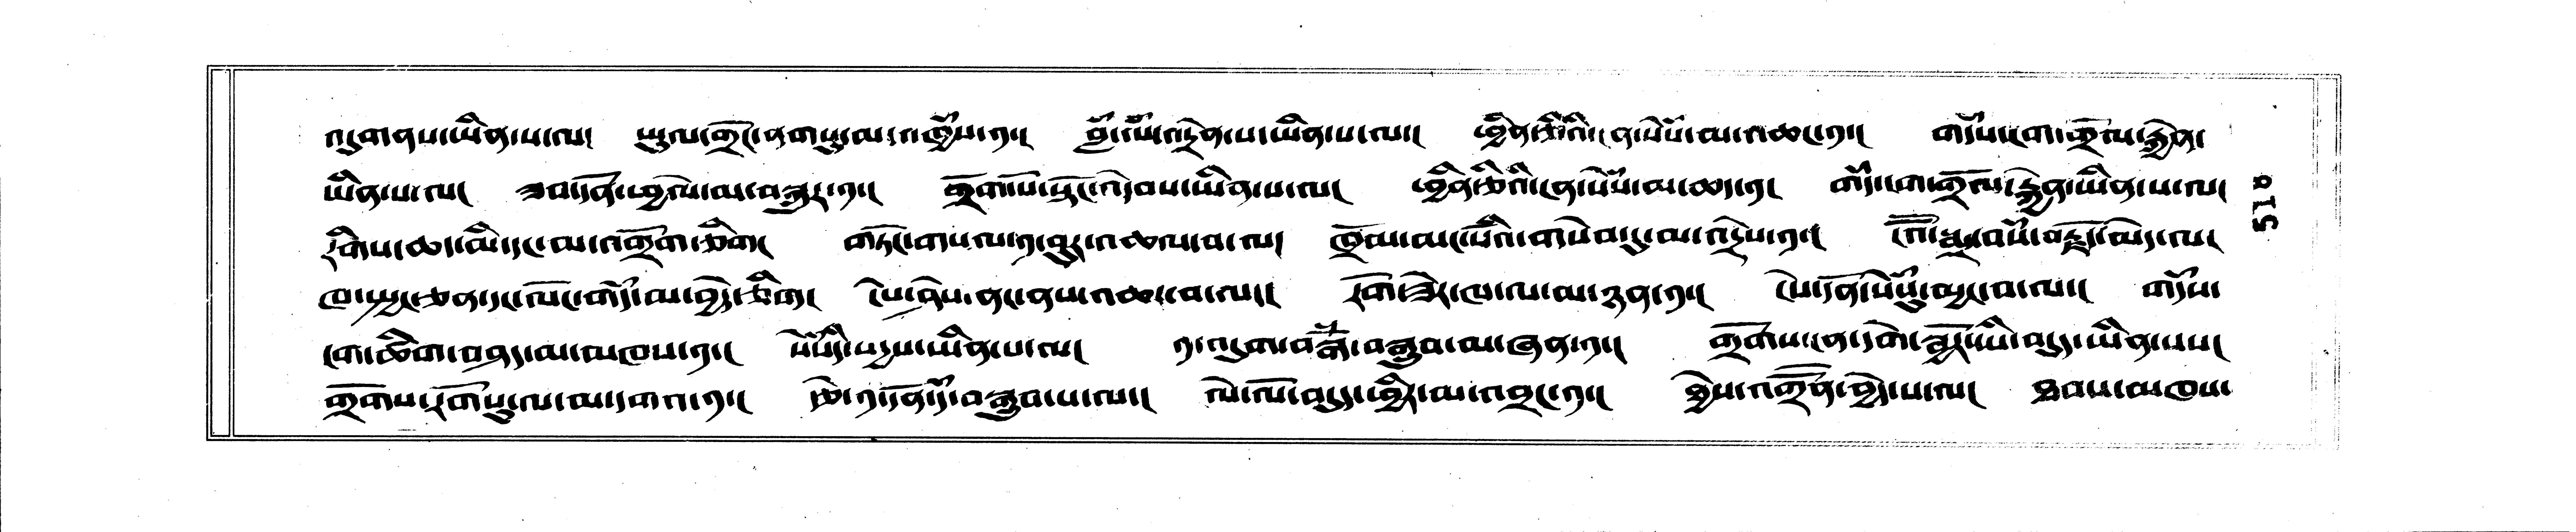འདུག་གནས་ཡིན་པ་ལ། ཡུལ་གྲོང་ནག་གིས་གནས་སུ་མ་ཁྱམ་ཅིག བླ་མ་ཐར་པའི་ལམ་འདྲེན་ཡིན་པ་ལ། ཕྱིན་བཅུའི་ངན་སེམས་མ་འཆང་ཅིག གདམ་ངག་གྲོལ་
ཡིན་པ་ལ། ཟབ་དོན་ཕྱལ་དུ་མ་སྐུར་ཅིག གྲོགས་བཟང་པོ་དགེ་བའི་སྡོང་འདིབས་༼འདེབས༽ཡིན་པ་ལ། 
རིག་ཚད་ཀྱི་མི་དང་མ་འགྲོགས་ཤིག གཏིང་གསལ་ཅིག་བུར་ཤར་བ་ལ། ཁྲོམ་མང་པོའི་ནང་དུ་མ་འདུག་ཅིག ངོའོ་སྨྲ་བསམ་བརྗོད་མེད་ལ། 
ཁ་སྐྱོན་ཅན་དང་ལོང་གཏམ་མ་བྱེད་ཅིག ངེས་ཤེས་ནང་ནས་འཆར་བ་ལ། རོགས་ངན་པའི་ཁ་ལ་མ་ཉན་ཅིག ངེས་དོན་སེམས་སུ་མྱོང་བ་ལ། གདམ་
ངག་ཚིག་བཤད་མ་མཁས་ཤིག སེམས་ཉིད་སངས་རྒྱས་ཡིན་པ་ལ། ཅིག་འདུག་སྒོམ་བསྒྲུབ་མ་ཞེན་ཅིག གྲོགས་ངན་དགེ་སྦྱོར་གྱི་བདུད་ཡིན་པས། 
འགྲོགས་རོག་སུ་ལ་མ་དགའ་ཅིག རྩེ་གཅིག་དོན་དམ་བསྒྲུབས་པ་ལ། ལེ་ལོ་བདུད་ཕྱིར་མ་འབྲིང་ཅིག ཐུགས་རྗེས་འགྲོ་དོན་བྱེད་པ་ལ། ཐབས་མཁས་